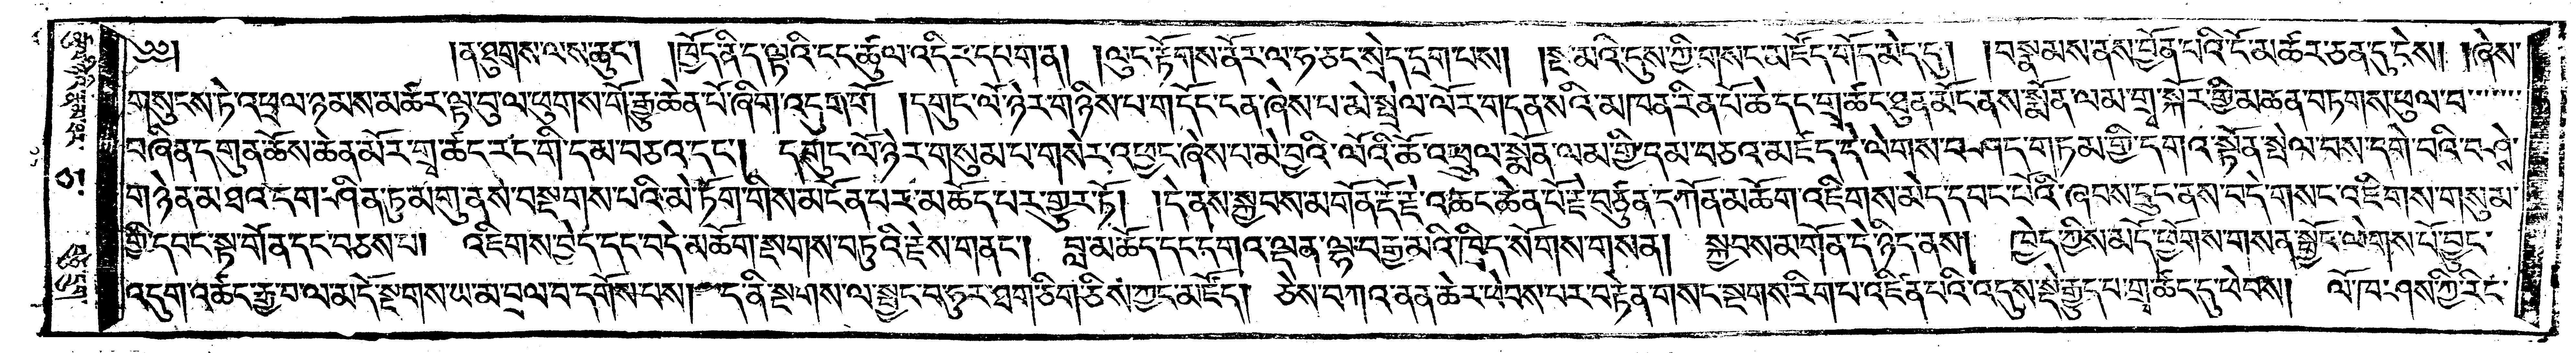༄༅། །ན་ཐུགས་ལས་ཆུང་། །ཁྱོད་ནི་ད་ལྟའི་ངང་ཚུལ་འདིར་དཔག་ན། །ལུང་རྟོགས་ནོར་ལ་ཧ་ཅང་སྲེད་དྲག་པས། །སྔ་མའི་དུས་ཀྱི་གསང་མཛོད་གོད་མེད་ད། །བསྣམས་ནས་བྱོན་པའི་ངོ་མཚར་ཅན་དུ་ངེས། །ཞེས་
གསུངས་ཏེ་འཕྲལ་ཉམས་མཚར་ལྟ་བུ་ལ་ཕུགས་གོ་རྒྱུ་ཆེན་པོ་ཞིག་འདུག་གོ །དགུང་ལོ་ཉེར་གཉིས་པ་གདོང་ངན་ཞེས་པ་མེ་སྤྲེལ་ལོར་གདན་སའི་མཁན་རིན་པོ་ཆེ་དང་གྲྭ་ཚང་ཐུན་མངོནས?་སྨོན་ལམ་གྲྭ་སྐོར་གྱི་མཚན་བཏགས་ཕུལ་བ་
བཞིན་དགུན་ཆོས་ཆེན་མོར་གྲྭ་ཚང་རང་གི་དམ་བཅའ་དང་། དགུང་ལོ་ཉེར་གསུམ་པ་གསེར་འཕྱང་ཞེས་པ་མེ་བྱའི་ལོའི་ཆོ་འཕྲུལ་སྨོན་ལམ་གྱི་དམ་བཅའ་མཛད་དེ་ལེགས་བཤད་གཏམ་གྱི་དགའ་སྟོན་སྤེལ་བས་དགེ་བའི་བཤེས་
གཉེན་མཐའ་དག་ཤིན་ཏུ་མགུ་ནས་བསྔགས་པའི་མེ་ཏོག་གིས་མངོན་པར་མཆོད་པར་གྱུར་ཏོ། །དེ་ནས་སྐྱབས་མགོན་རྡོ་རྗེ་འཆང་ཆེན་པོ་རྗེ་བཙུན་དཀོན་མཆོག་འཇིགས་མེད་དབང་པོའི་ཞབས་དྲུང་ནས་བདེ་གསང་འཇིགས་གསུམ་
གྱི་དབང་སྟ་གོན་དང་བཅས་པ། འཇིགས་བྱེད་དང་བདེ་མཆོག་སྔགས་བཏུའི་རྗེས་གནང་། བླ་མཆོད་དང་དགའ་ལྡན་ལྷ་བརྒྱ་མའི་ཁྲིད་སོགས་གསན། སྐྱབས་མགོན་དེ་ཉིད་ནས། ཁྱེད་ཀྱིས་མདོ་ཕྱོགས་གསན་སྦྱོང་ལེགས་པོ་བྱུང་
འདུག་འཚང་རྒྱ་བ་ལ་མདོ་སྔགས་ཡ་མ་བྲལ་བ་དགོས་བས། ད་ནི་སྔགས་ལ་སྦྱང་པ་ཧུར་ཐག་ཅིག་ཅིས་ཀྱང་མཛོད། ཅེས་བཀའ་ནན་ཆེར་ཕེབས་པར་བརྟེན་གསང་སྔགས་རིག་པ་འཛིན་བའི་འདུས་སྡེ་རྒྱུད་པ་གྲྭ་ཚང་དུ་ཕེབས། ལོ་ཁ་ཤས་ཀྱི་རིང་